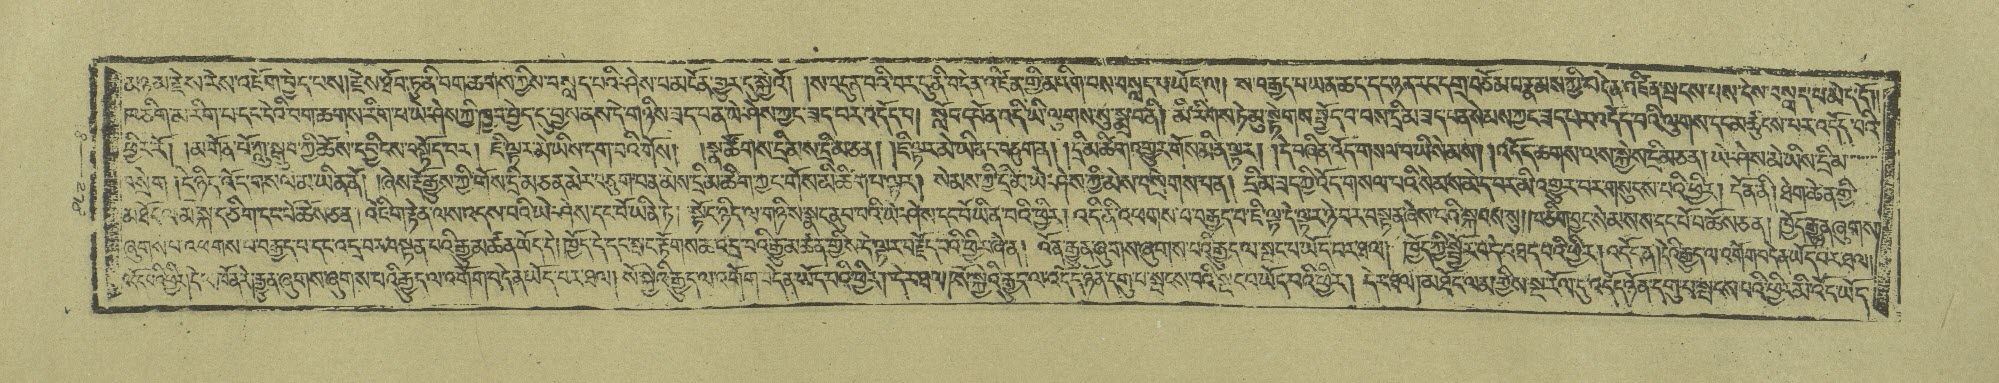མཉམ་རྗེས་རེས་འཇོག་བྱེད་པས། རྗེས་ཐོབ་ཏུ་ནི་བག་ཆགས་ཀྱིས་བསླད་པའི་ཤེས་པ་མངོན་གྱུར་དུ་སྐྱེའོ། །ས་བདུན་པའི་བར་དུ་ནི་བདེན་འཛིན་གྱི་མ་རིག་པས་བསླད་པ་ཡོད་ལ། ས་བརྒྱད་པ་ཡན་ཆད་དང་ཉན་རང་དགྲ་བཅོམ་པ་རྣམས་ཀྱི་བདེན་འཛིན་སྤངས་པས་དེས་བསླད་པ་མེད་དོ། །
ཁ་ཅིག་མ་རིག་པ་དང་དེའི་བག་ཆགས་རིག་པ་ཡེ་ཤེས་གྱི་ཁྱབ་བྱེད་དུ་བྱས་ནས་དེ་གཉིས་ཟད་པ་ན་ཡེ་ཤེས་ཀྱང་ཟད་པར་འདོད་པ། སློབ་དཔོན་འདི་ཡི་ལུགས་སུ་སྨྲ་བ་ནི། མི་རིགས་ཏེ་མུ་སྟེགས་སྤྱོད་པ་པས་དྲི་མ་ཟད་པ་ན་སེམས་ཀྱང་ཟད་པར་འདོད་པའི་ལུགས་དང་མཚུངས་པར་འདོད་པའི་
ཕྱིར་རོ། །མགོན་པོ་ཀླུ་སྒྲུབ་ཀྱི་ཆོས་དབྱིངས་བསྟོད་པར། ཇི་ལྟར་མེ་ཡིས་དག་པའི་གོས། །སྣ་ཚོགས་དྲི་མས་དྲི་མ་ཅན། །ཇི་ལྟར་མེ་ཡི་ནང་བཅུག་ན། །དྲི་མ་ཚིག་འགྱུར་གོས་མིན་ལྟར། །དེ་བཞིན་འོད་གསལ་བ་ཡི་སེམས། །འདོད་ཆགས་ལས་སྐྱེས་དྲི་མ་ཅན། ཡེ་ཤེས་མེ་ཡིས་དྲི་མ་
བསྲེག །དེ་ཉིད་འོད་གསལ་མ་ཡིན་ནོ། །ཞེས་རྡོ་རྒྱུས་ཀྱི་གོས་དྲི་མ་ཅན་མེར་བཅུག་པ་ན་མེས་དྲི་མ་ཚིག་ཀྱང་གོས་མི་ཚིག་པ་ལྟར། སེམས་ཀྱི་དྲི་མ་ཡེ་ཤེས་ཀྱི་མེས་བསྲེགས་པ་ན། དྲི་མ་ཟད་ཀྱི་འོད་གསལ་པའི་སེམས་མེད་པར་མི་འགྱུར་བར་གསུངས་པའི་ཕྱིར། དོན་ནི། ཐེག་ཆེན་གྱི་
མཐོང་ལམ་སྐད་ཅིག་དང་པོ་ཆོས་ཅན། འཇིག་རྟེན་ལས་འདས་པའི་ཡེ་ཤེས་དང་པོ་ཡིན་ཏེ། སྟོང་ཉིད་ལ་གཉིས་སྣང་ནུབ་པའི་ཡེ་ཤེས་དང་པོ་ཡིན་པའི་ཕྱིར། འདི་ནི་འཕགས་པ་བརྒྱད་པ་ཇི་ལྟ་དེ་ལྟར་ཉེ་བར་བསྟན་ཞེས་པའི་སྐབས་སུ། ཁ་ཅིག་བྱང་སེམས་དང་པོ་བ་ཆོས་ཅན། ཁྱོད་རྒྱུན་ཞུགས་
ཞུགས་པ་འཕགས་པ་བརྒྱད་པ་དང་འདྲ་བར་བསྟན་པའི་རྒྱུ་མཚན་ཡོད་དེ། ཁྱོད་དེ་དང་སྤང་རྟོགས་ཆ་འདྲ་བའི་རྒྱུ་མཚན་གྱིས་དེ་ལྟར་བརྗོད་པའི་ཕྱིར་ཞེ་ན། འོ་ན་རྒྱུན་ཞུགས་ཞུགས་པའི་རྒྱུད་ལ་སྤང་བ་ཡོད་པར་ཐལ། ཁྱོད་ཀྱི་སྦྱོར་བ་དེ་འཐད་པའི་ཕྱིར། འདོད་ན། དེའི་རྒྱུད་ལ་འགོག་བདེན་ཡོད་པར་ཐལ།
འདོད་པའི་ཕྱིར། དེ་ལ་ཁོ་ན་རེ། རྒྱུན་ཞུགས་ཞུགས་པའི་རྒྱུད་ལ་འགོག་བདེན་ཡོད་པར་ཐལ། སོ་སྐྱེའི་རྒྱུད་ལ་འགོག་བདེན་ཡོད་པའི་ཕྱིར། དེར་ཐལ། སོ་སྐྱེའི་རྒྱུད་ལ་འདོད་ཉོན་དགུ་པ་སྤངས་པའི་སྤང་བ་ཡོད་པའི་ཕྱིར། དེར་ཐལ། མཐོང་ལམ་གྱིས་སྔ་རོལ་དུ་འདོད་ཉོན་དགུ་པ་སྤངས་པའི་ཕྱིར་མི་འོང་ཡོད་